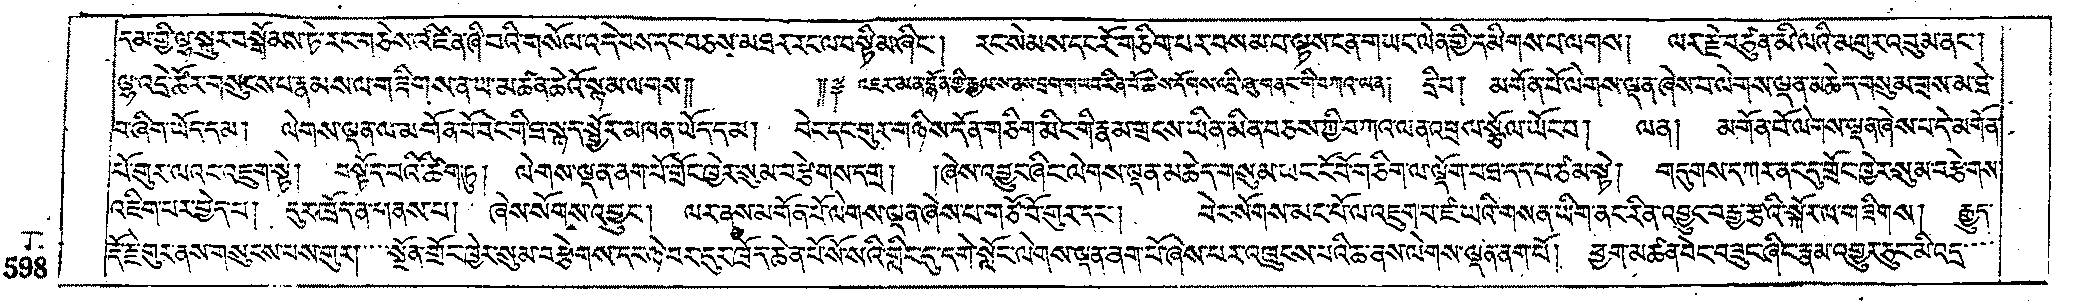དམ་གྱི་ལྷ་སྐུར་བསྒོམས་ཏེ་རང་བཅེས་འཛིན་ཞི་བའི་གསོལ་འདེབས་དང་བཅས་མཐར་རང་ལ་བསྟིམ་ཞིང་། རང་སེམས་དང་རོ་གཅིག་པར་བསམ་པ་ལྟས་ངན་གཡང་ལེན་གྱི་དམིགས་པ་ལགས། ལར་རྗེ་བཙུན་མི་ལའི་མགུར་འབུམ་ནང་།
ལྷ་འདྲེ་ཚོར་གསུངས་པ་རྣམ་ལ་གཟིགས་ན་ཡ་མཚན་ཆེའོ་སྙམ་ལགས།། །།འ་འཇར་མན་བྙོན་གྱི་རྒྱལ་ས་ནས་བྲག་གཡབ་རིན་པོ་ཆེས་དོགས་འདྲི་ཞུ་གནང་གི་བཀའ་ལན།  དྲི་བ། མགོན་པོ་ལེགས་ལྡན་ཞེས་པ་ལེགས་ལྡན་མཆེད་གསུམ་གྲས་མ་ཐེ་
བ་ཞིག་ཡོད་དམ། ལེགས་ལྡན་ལ་མགོན་པོ་བེང་གི་ཐ་སྙད་སྦྱོར་མཁན་ཡོད་དམ། བེང་དང་གུར་གཉེས་དོན་གཅིག་མིང་གི་རྣམ་གྲངས་ཡིན་མིན་བཅས་ཀྱི་བཀའ་ལན་འཕྲལ་སྩོལ་ཡོང་བ། ལན། མགོན་པོ་ལེགས་ལྡན་ཞེས་པ་དེ་མགོན་
པོ་གུར་ལའང་འཇུག་སྟེ། བསྟོད་པའི་ཚིག་ཏུ། ལེགས་ལྡན་ནག་པོ་གྲོང་ཁྱེར་སུམ་བརྩེགས་དགྲ། །ཞེས་འབྱུང་ཞིང་ལེགས་ལྡན་མཆེད་གསུམ་ཡང་ངོ་བོ་གཅིག་ལ་ལྡོག་པ་ཐ་དད་པ་ཙམ་སྟེ། གདུགས་དཀར་ནང་དུ་གྲོང་ཁྱེར་སུམ་བརྩེགས་
འཇིགས་པར་བྱེད་པ། དུར་ཁྲོད་ན་གནས་པ། ཞེས་སོགས་འབྱུང་། ལར་ནས་མགོན་པོ་ལེགས་ལྡན་ཞེས་པ་གཙོ་བོ་གུར་དང་། བེང་སོགས་མང་པོ་ལ་འཇུག་པ་ཛ་ཡའི་གསན་ཡིག་ནང་རིན་འབྱུང་བརྒྱ་རྩའི་སྐོར་ལ་གཟིགས། རྒྱུད་
རྡོ་རྗེ་གུར་ནས་གསུགནས་པས་གུར་་་སྔོན་གྲོང་ཁྱེར་སུམ་བརྩེགས་ཉེ་བར་དུར་ཁྲོད་ཆེན་པོ་སོ་སའི་གླིང་དུ་དགེ་སློང་ལེགས་ལྡན་ནག་པོ་ཞེས་པར་འཁྲུངས་པའི་ཆ་ནས་ལེགས་ལྡན་ནག་པོ། ཕྱག་མཚན་བེང་བཟུང་ཞིང་རྣམ་འགྱུར་ཅུང་མི་འདྲ་་་